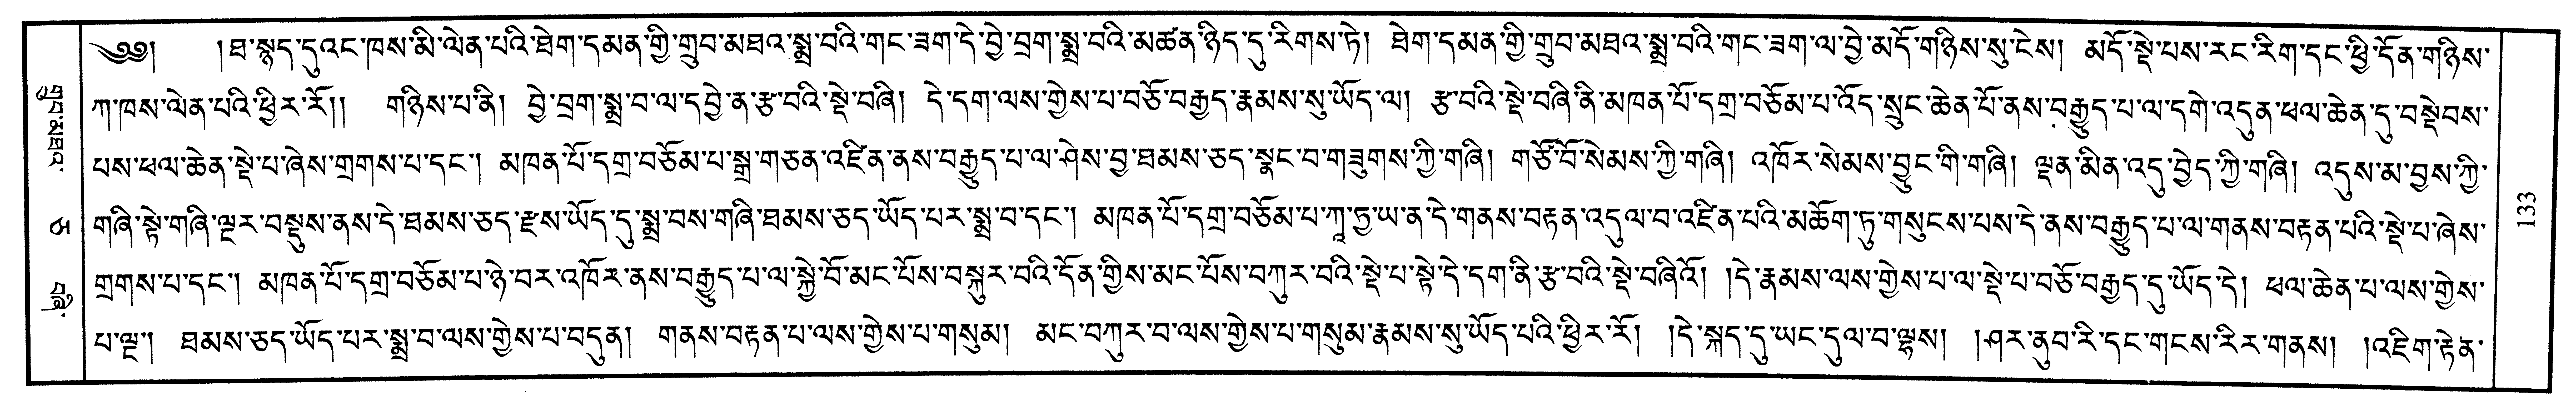༄༅། །ཐ་སྙད་དུའང་ཁས་མི་ལེན་པའི་ཐེག་དམན་གྱི་གྲུབ་མཐའ་སྨྲ་བའི་གང་ཟག་དེ་བྱེ་བྲག་སྨྲ་བའི་མཚན་ཉིད་དུ་རིགས་ཏེ། ཐེག་དམན་གྱི་གྲུབ་མཐའ་སྨྲ་བའི་གང་ཟག་ལ་བྱེ་མདོ་གཉིས་སུ་ངེས། མདོ་སྡེ་པས་རང་རིག་དང་ཕྱི་དོན་གཉིས་
ཀ་ཁས་ལེན་པའི་ཕྱིར་རོ།། གཉིས་པ་ནི། བྱེ་བྲག་སྨྲ་བ་ལ་དབྱེ་ན་རྩ་བའི་སྡེ་བཞི། དེ་དག་ལས་གྱེས་པ་བཅོ་བརྒྱད་རྣམས་སུ་ཡོད་ལ། རྩ་བའི་སྡེ་བཞི་ནི་མཁན་པོ་དགྲ་བཅོམ་པ་འོད་སྲུང་ཆེན་པོ་ནས་བརྒྱུད་པ་ལ་དགེ་འདུན་ཕལ་ཆེན་དུ་བསྡེབས་
པས་ཕལ་ཆེན་སྡེ་པ་ཞེས་གྲགས་པ་དང་། མཁན་པོ་དགྲ་བཅོམ་པ་སྒྲ་གཅན་འཛིན་ནས་བརྒྱུད་པ་ལ་ཤེས་བྱ་ཐམས་ཅད་སྣང་བ་གཟུགས་ཀྱི་གཞི། གཙོ་བོ་སེམས་ཀྱི་གཞི། འཁོར་སེམས་བྱུང་གི་གཞི། ལྡན་མིན་འདུ་བྱེད་ཀྱི་གཞི། འདུས་མ་བྱས་ཀྱི་
གཞི་སྟེ་གཞི་ལྔར་བསྡུས་ནས་དེ་ཐམས་ཅད་རྫས་ཡོད་དུ་སྨྲ་བས་གཞི་ཐམས་ཅད་ཡོད་པར་སྨྲ་བ་དང་། མཁན་པོ་དགྲ་བཅོམ་པ་ཀཱ་ཏྱ་ཡ་ན་དེ་གནས་བརྟན་འདུལ་བ་འཛིན་པའི་མཆོག་ཏུ་གསུངས་པས་དེ་ནས་བརྒྱུད་པ་ལ་གནས་བརྟན་པའི་སྡེ་པ་ཞེས་
གྲགས་པ་དང་། མཁན་པོ་དགྲ་བཅོམ་པ་ཉེ་བར་འཁོར་ནས་བརྒྱུད་པ་ལ་སྐྱེ་བོ་མང་པོས་བསྐུར་བའི་དོན་གྱིས་མང་པོས་བཀུར་བའི་སྡེ་པ་སྟེ་དེ་དག་ནི་རྩ་བའི་སྡེ་བཞིའོ། །དེ་རྣམས་ལས་གྱེས་པ་ལ་སྡེ་པ་བཅོ་བརྒྱད་དུ་ཡོད་དེ། ཕལ་ཆེན་པ་ལས་གྱེས་
པ་ལྔ། ཐམས་ཅད་ཡོད་པར་སྨྲ་བ་ལས་གྱེས་པ་བདུན། གནས་བརྟན་པ་ལས་གྱེས་པ་གསུམ། མང་བཀུར་བ་ལས་གྱེས་པ་གསུམ་རྣམས་སུ་ཡོད་པའི་ཕྱིར་རོ། །དེ་སྐད་དུ་ཡང་དུལ་བ་ལྷས། །ཤར་ནུབ་རི་དང་གངས་རིར་གནས། །འཇིག་རྟེན་